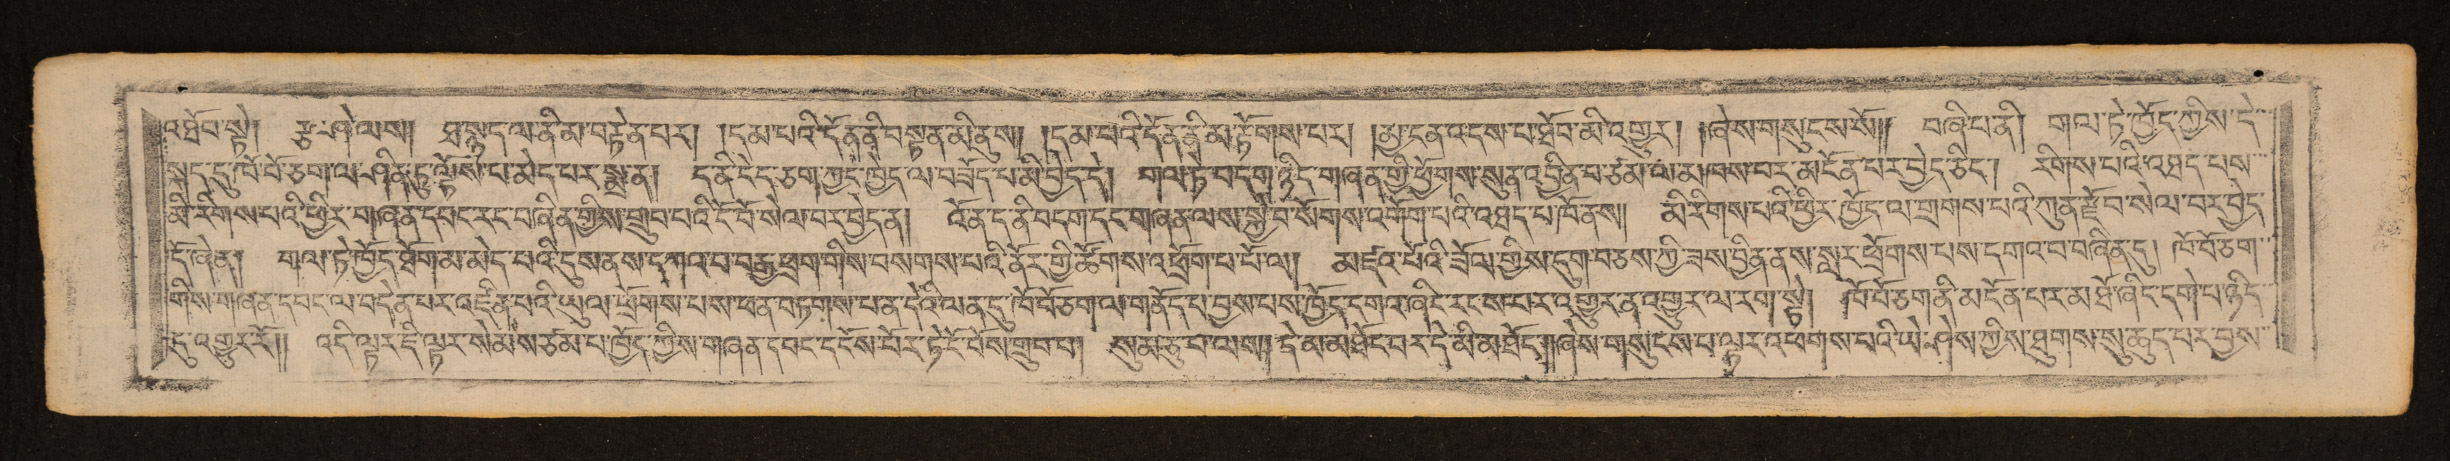འཐོབ་སྟེ། རྩ་ཤེ་ལས། ཐ་སྙད་ལ་ནི་མ་བརྟེན་པར། །དམ་པའི་དོན་ནི་བསྟན་མི་ནུས། །དམ་པའི་དོན་ནི་མ་རྟོགས་པར། །མྱ་ངན་འདས་པ་ཐོབ་མི་འགྱུར། །ཞེས་གསུངས་སོ།། བཞི་པ་ནི། གལ་ཏེ་ཁྱོད་ཀྱིས་དེ་
སྐད་དུ་ཁོ་བོ་ཅག་ལ་ཤིན་ཏུ་ལྟོས་པ་མེད་པར་སྨྲ་ན། ད་ནི་ངེད་ཅག་ཀྱང་ཁྱེད་ལ་བཟོད་པ་མི་བྱེད་དེ། གལ་ཏེ་བདག་ཉིད་གཞན་གྱི་ཕྱོགས་སུན་འབྱིན་པ་ཙམ་ལ་མཁས་པར་མངོན་པར་བྱེད་ཅིང་། རིགས་པའི་འཐད་པས་
མི་རིགས་པའི་ཕྱིར་གཞན་དབང་རང་བཞིན་གྱིས་གྲུབ་པའི་ངོ་བོ་སེལ་བར་བྱེད་ན། འོ་ན་ད་ནི་བདག་དང་གཞན་ལས་སྐྱེ་བ་སོགས་འགོག་པའི་འཐད་པ་ཁོ་ནས། མི་རིགས་པའི་ཕྱིར་ཁྱོད་ལ་གྲགས་པའི་ཀུན་རྫོབ་སེལ་བར་བྱེད་
དོ་ཞེ་ན། གལ་ཏེ་ཁྱོད་ཐོག་མ་མེད་པའི་དུས་ནས་དཀའ་བ་བརྒྱ་ཕྲག་གིས་བསགས་པའི་ནོར་གྱི་ཚོགས་འཕྲོག་པ་པོ་ལ། མཛའ་བོའི་ཟོལ་གྱིས་དུག་བཅས་ཀྱི་ཟས་བྱིན་ནས་སླར་ཕྲོགས་པས་དགའ་བ་བཞིན་དུ། ཁོ་བོ་ཅག་
གིས་གཞན་དབང་ལ་བདེན་པར་འཛིན་པའི་ཡུལ་ཕྲོགས་པས་ཕན་བཏགས་པ་ན་དེའི་ལན་དུ་ཁོ་བོ་ཅག་ལ་གནོད་པ་བྱས་པས་ཁྱོད་དགའ་ཞིང་རངས་པར་འགྱུར་ན་འགྱུར་ལ་རག་སྟེ། ཁོ་བོ་ཅག་ནི་མངོན་པར་མཐོ་ཞིང་དག་པ་ཉིད་
དུ་འགྱུར་རོ།། འདི་ལྟར་ཇི་ལྟར་སེམས་ཙམ་པ་ཁྱོད་ཀྱིས་གཞན་དབང་དངོས་པོར་ཏེ་ངོ་བོས་གྲུབ་པ། སུམ་ཅུ་པ་ལས། དེ་མ་མཐོང་བར་དེ་མི་མཐོང་། །ཞེས་གསུངས་པ་ལྟར་འཕགས་པའི་ཡེ་ཤེས་ཀྱིས་ཐུགས་སུ་ཆུད་པར་བྱས་